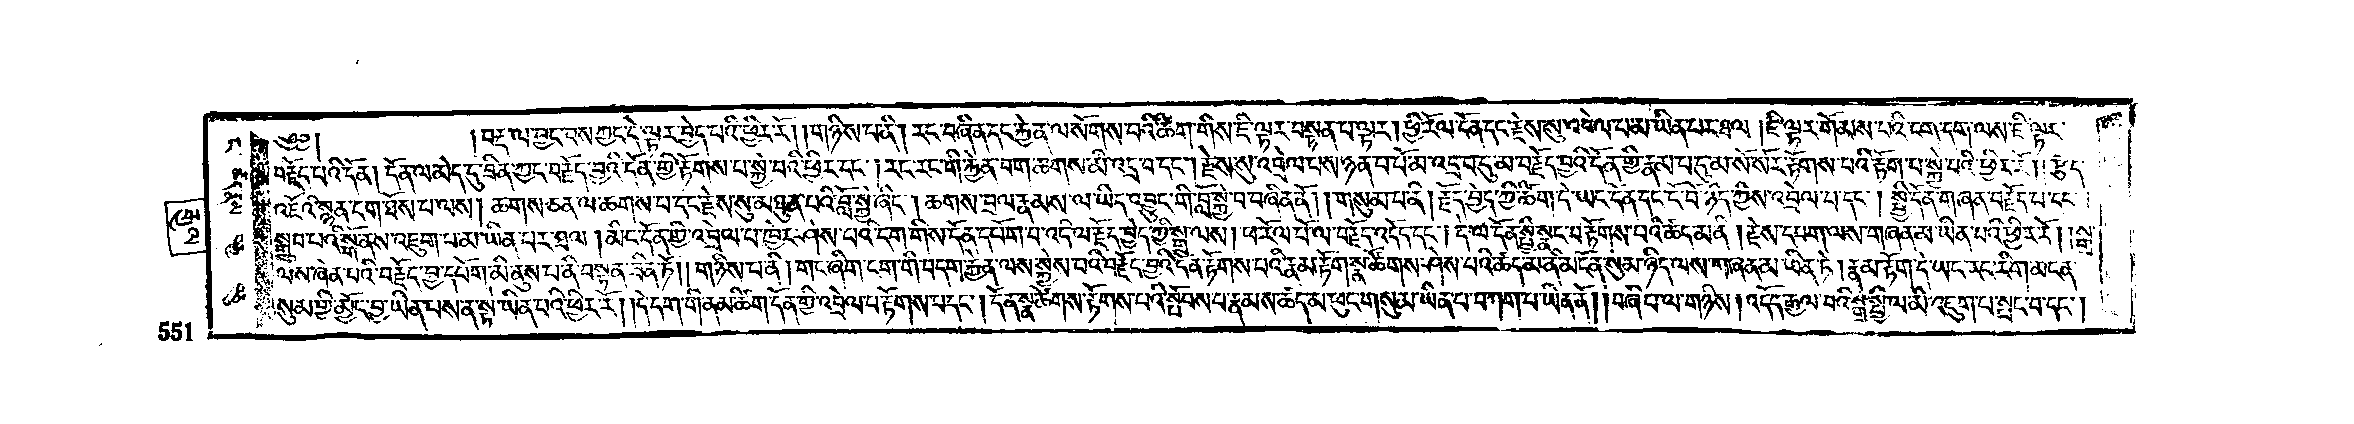༄༅། །བརྡ་ལ་བྱང་བས་ཀྱང་དེ་ལྟར་བྱེད་པའི་ཕྱིར་རོ། །གཉིས་པ་ནི། རང་བཞིན་དང་རྐྱེན་ལ་སོགས་པའི་ཚིག་གིས་ཇི་ལྟར་བསྟན་པ་ལྟར། ཕྱི་རོལ་དོན་དང་རྗེས་སུ་འབྲེལ་པ་མ་ཡིན་པར་ཐལ། ཇི་ལྟར་གོམས་པའི་ངག་དག་ལས་ཇི་ལྟར་
བརྗོད་པའི་དོན། དོན་ལ་མེད་དུ་ཟིན་ཀྱང་བརྗོད་བྱའི་དོན་གྱི་རྟོགས་པ་སྐྱེ་བའི་ཕྱིར་དང་། རང་རང་གི་རྐྱེན་བག་ཆགས་མི་འདྲ་བ་དང་། རྗེས་སུ་འབྲེལ་པས་ཉན་པ་པོ་མ་འདྲ་བ་དུ་མ་བརྗོད་བྱའི་དོན་གྱི་རྣམ་པ་དུ་མ་སོ་སོར་རྟོགས་པའི་རྟོག་པ་སྐྱེ་བའི་ཕྱིར་རོ། །རྩེད?
འཇོའི་སྙན་ངག་ཐོས་པ་ལས། ཆགས་ཅན་ལ་ཆགས་པ་དང་རྗེས་སུ་མཐུན་པའི་བློ་སྐྱེ་ཞིང་། ཆགས་བྲལ་རྣམས་ལ་ཡིད་འབྱུང་གི་བློ་སྐྱེ་བ་བཞིན་ནོ། །གསུམ་པ་ནི། རྗོད་བྱེད་ཀྱི་ཚིག་དེ་ཡང་དོན་དང་ངོ་བོ་ཉིད་ཀྱིས་འབྲེལ་པ་དང་། སྤྱི་དོན་གཞན་བརྗོད་པ་དང་།
སྒྲུབ་པའི་སྒོ་ནས་འཇུག་པ་མ་ཡིན་པར་ཐལ། མིང་དོན་གྱི་འབྲེལ་པ་ཁྱེར་ཤེས་པའི་དག་གིས་དོན་དཔོག་པ་འདི་ལ་རྗོད་བྱེད་ཀྱི་སྒྲ་ལས། ཕ་རོལ་པོ་ལ་བརྗོད་འདོད་དང་། དེ་ལ་དོན་སྤྱི་སྣང་བ་རྟོགས་པའི་ཚད་མ་ནི། རྗེས་དཔག་ལས་གཞན་མ་ཡིན་པའི་ཕྱིར་རོ། །སྒྲ་
ལས་ཞེན་པའི་བརྗོད་བྱ་དཔོག་མི་ནུས་པ་ནི་བསྟན་ཟིན་ཏོ། །གཉིས་པ་ནི། གང་ཞིག་ངག་གི་བདག་རྐྱེན་ལས་སྐྱེས་པའི་བརྗོད་བྱའི་དོན་རྟོགས་པའི་རྣམ་རྟོག་སྣ་ཚོགས་ཤེས་པའི་ཚད་མ་ནི་མངོན་སུམ་ཉིད་ལས་གཞན་མ་ཡིན་ཏེ། རྣམ་རྟོག་དེ་ཡང་རང་རིག་མངོན་
སུམ་གྱི་མྱོང་བྱ་ཡིན་པས་ན་སྟེ་ཡིན་པའི་ཕྱིར་རོ། །དེ་དག་གི་ནམ་ཚིག་དོན་གྱི་འབྲེལ་པ་རྟོགས་པ་དང་། དོན་སྣ་ཚོགས་པའི་སྤོབས་པ་རྣམས་ཚད་མ་ཕུང་གསུམ་ཡིན་པ་བཀག་པ་ཡིན་ནོ། །བཞི་པ་ལ་གཉིས། འདོད་རྒྱལ་པའི་སྒྲ་སྤྱི་ལ་མི་འཇུག་པ་སྤང་བ་དང་།